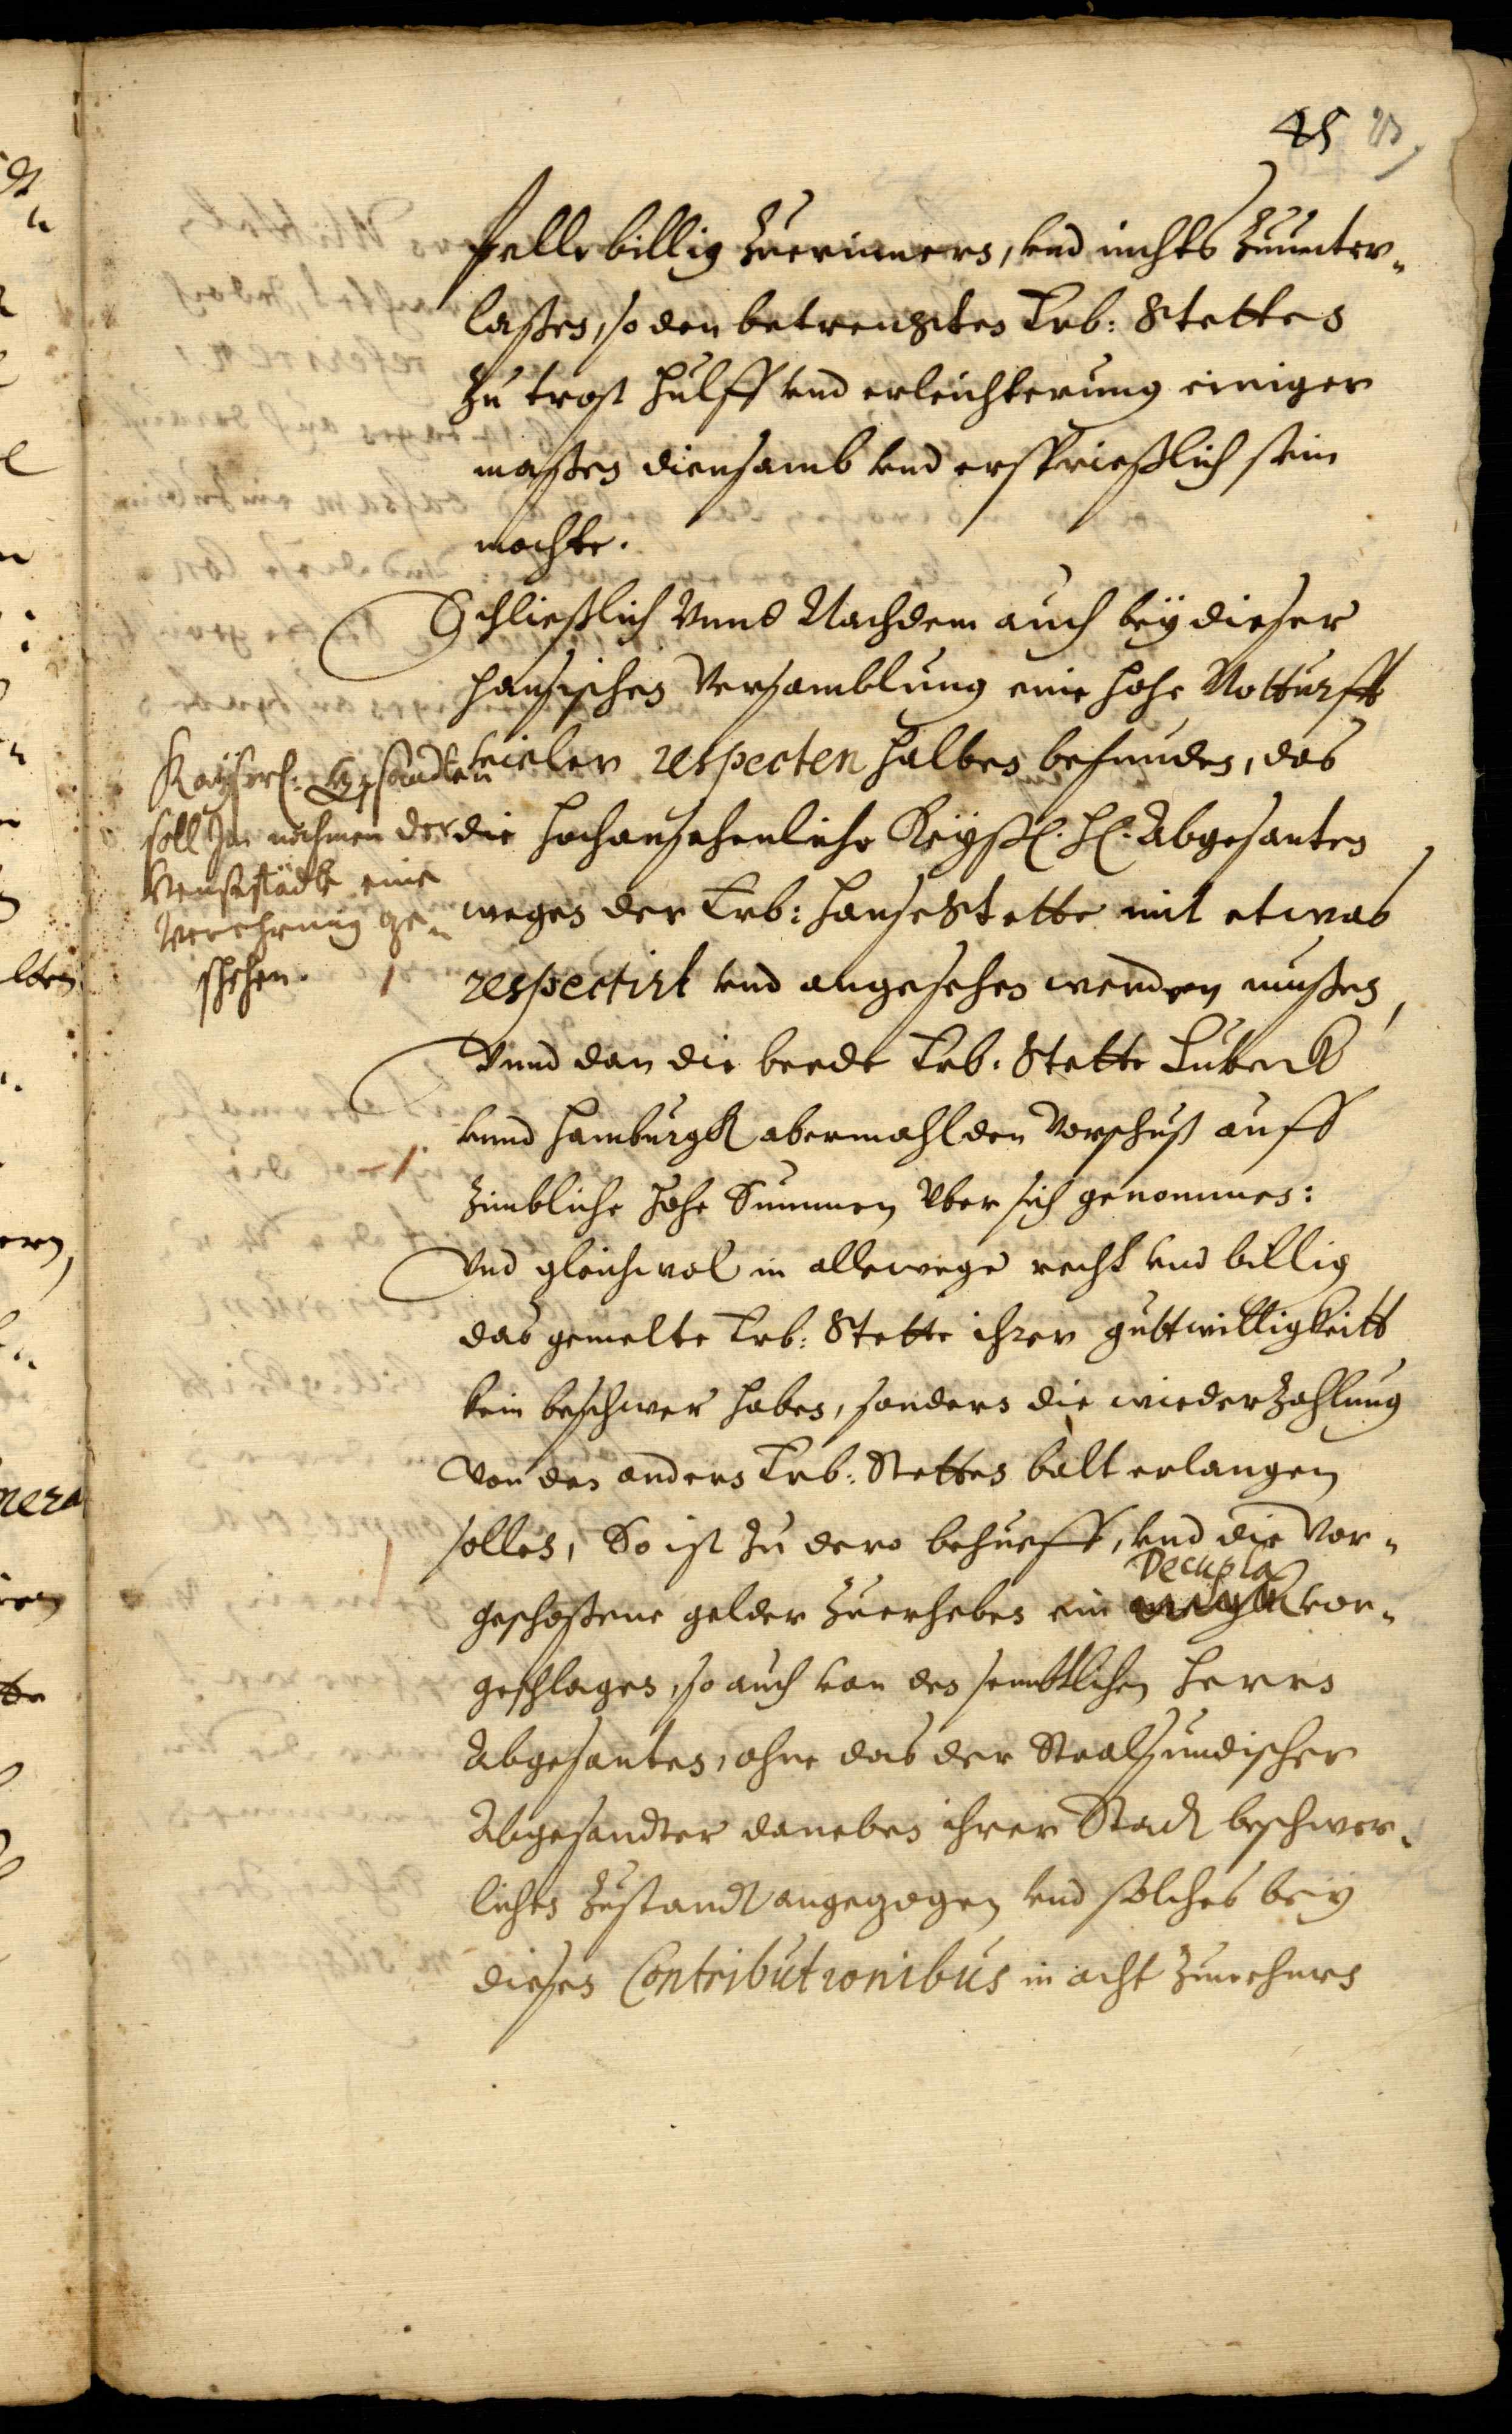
48
felle billig zuerinnern, vnd nichts zuunter¬
laßen, so den betrengten Erb: Stetten
zu trost hulff vnd erleichterung einiger
maßen diensamb vnd ersprießlich sein
mochte.
Schließlich vnnd Nachdem auch beij dieser
hansischen Versamblung eine hohe Notturfft
vieler respecten halben befunden, das
die hochansehenliche Keijßl. H. Abgesanten
wegen der Erb: Hansestette mit etwas
respectirt vnd angesehen werden mußen,
vnnd dan die beede Erb. Stette Lubeck
vnnd Hamburgk abermahl den Vorschuß auff
zimbliche hohe Summen Vber sich genommen:
Vnd gleichwol in allewege recht vnd billig
das gemelte Erb. Stette ihrer guttwilligkeitt
kein beschwer haben, sondern die wiederzahlung
von den andern Erb: Stetten balt erlangen
sollen, So ist zu dero behueff, vnd die Vor¬
Decupla
geschoßene gelder zuerheben ein wegk vor¬
geschlagen, so auch von den sembtlichen Herrn
Abgesanten, ohne das der Stralsundischer
Abgesandter daneben ihrer Stadt beschwer¬
lichen Zustandt angezogen vnd solches beij
diesen Contributionibus in acht zu nehern
Kaijserl: Gesandten
soll Im nahmen der
Henßestädte eine
Verehrung ge¬
schehen.
